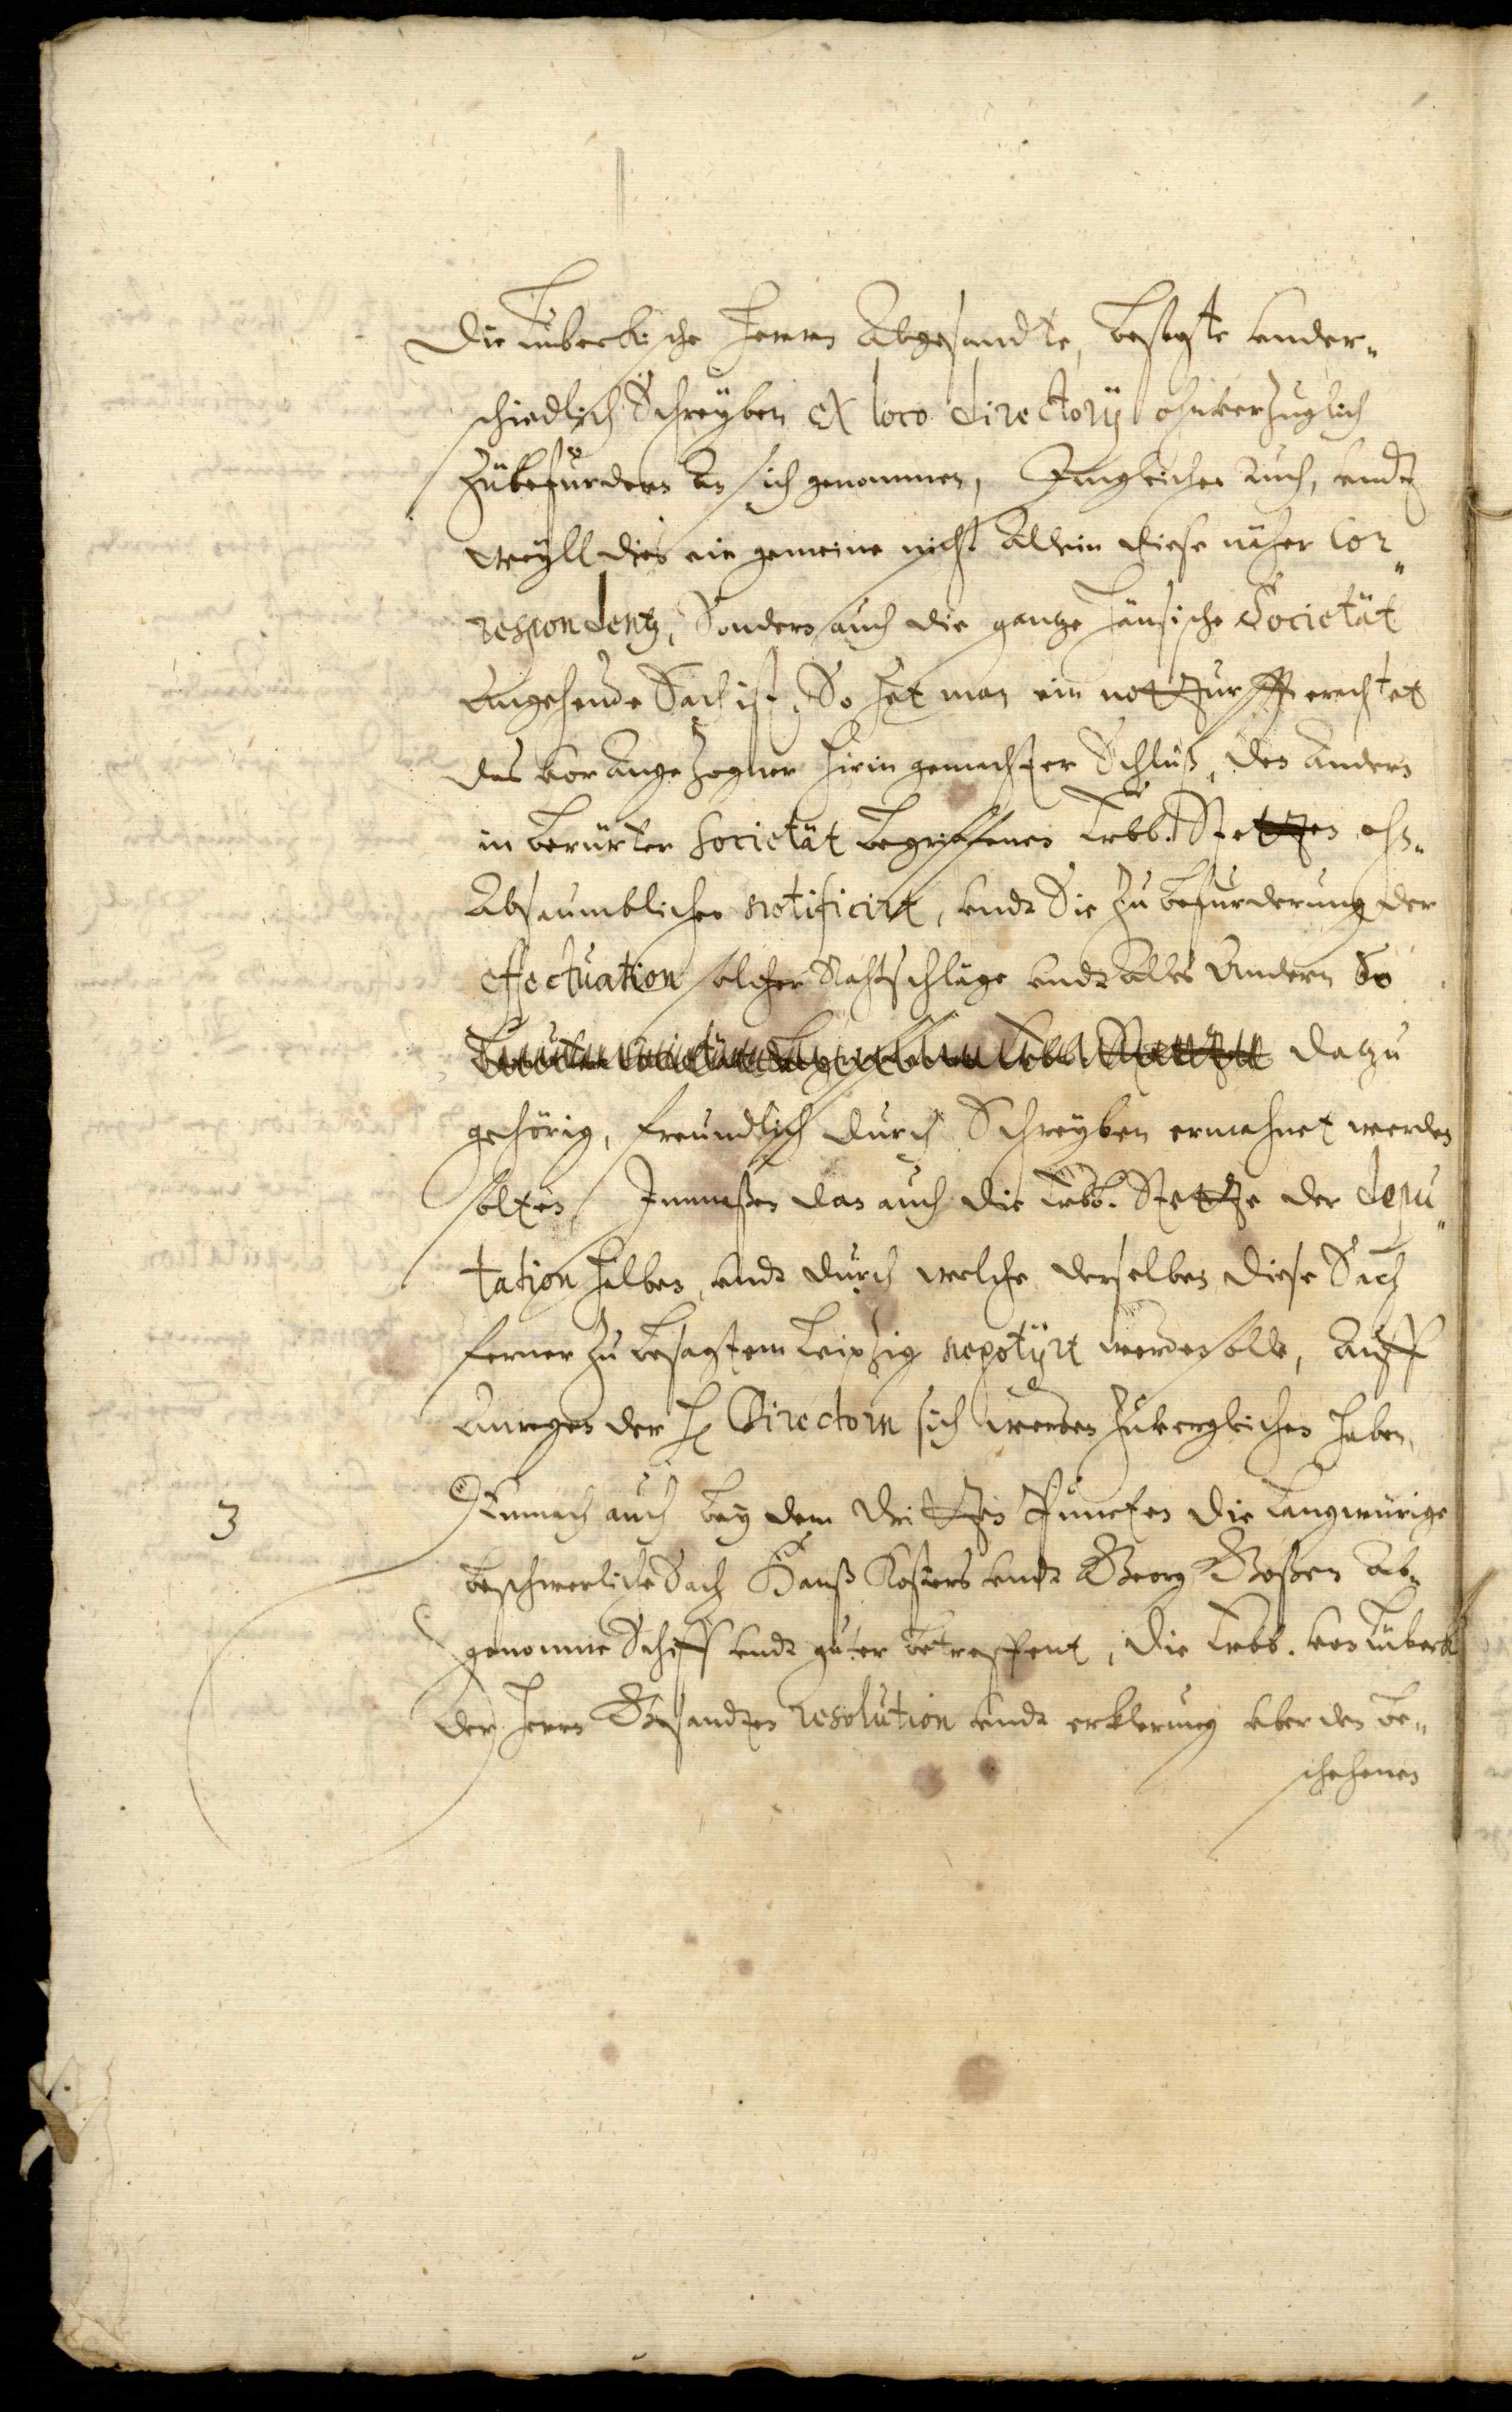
3
die Lubeckische Herrn abgesandte, besagte vnder¬
schiedlich Schreijben ex loco directorij ohnverzuglich
zübefurdern an sich genommen, Imgleichen auch, vndt
weijll dies ein gemeine nicht allein diese näher Cor¬
respondentz, Sondern auch die gantze Hänsische Societät
angehende Sach ist, So hat man ein notturffft erachtet
das vor angezogner hirin gemachter Schluß, den andern
in berürter societät begriffenen Erbb: Stetten ohn¬
absaumblicher notificirt, vndt Sie zu befurderung der
effectuation solcher Rahtschläge vndt alles andern So
Repardan lanuataum datptittnn Libultiettt dazu
gehörig, freundlich durch Schreijben ermahnet werden
solten, Immaßen dan auch die Erbb. Stette der depu¬
tation halben, vndt durch welche derselben, diese Sach
ferner zu besagtem Leipzig repotijrt werden solle, auff
Anregen der H. Directorn sich werden zuvergleichen haben,
DEmnach auch beij dem dritten Puncten die Langwürige
beschwerliche Sach Hanß Kosters vndt Georg Goßen Ab¬
genomme Schiff vndt guter betreffent, die Erbb. von Lübeck
der herrn Gesandten resolution vndt erklerung vber den be¬
schehenen
